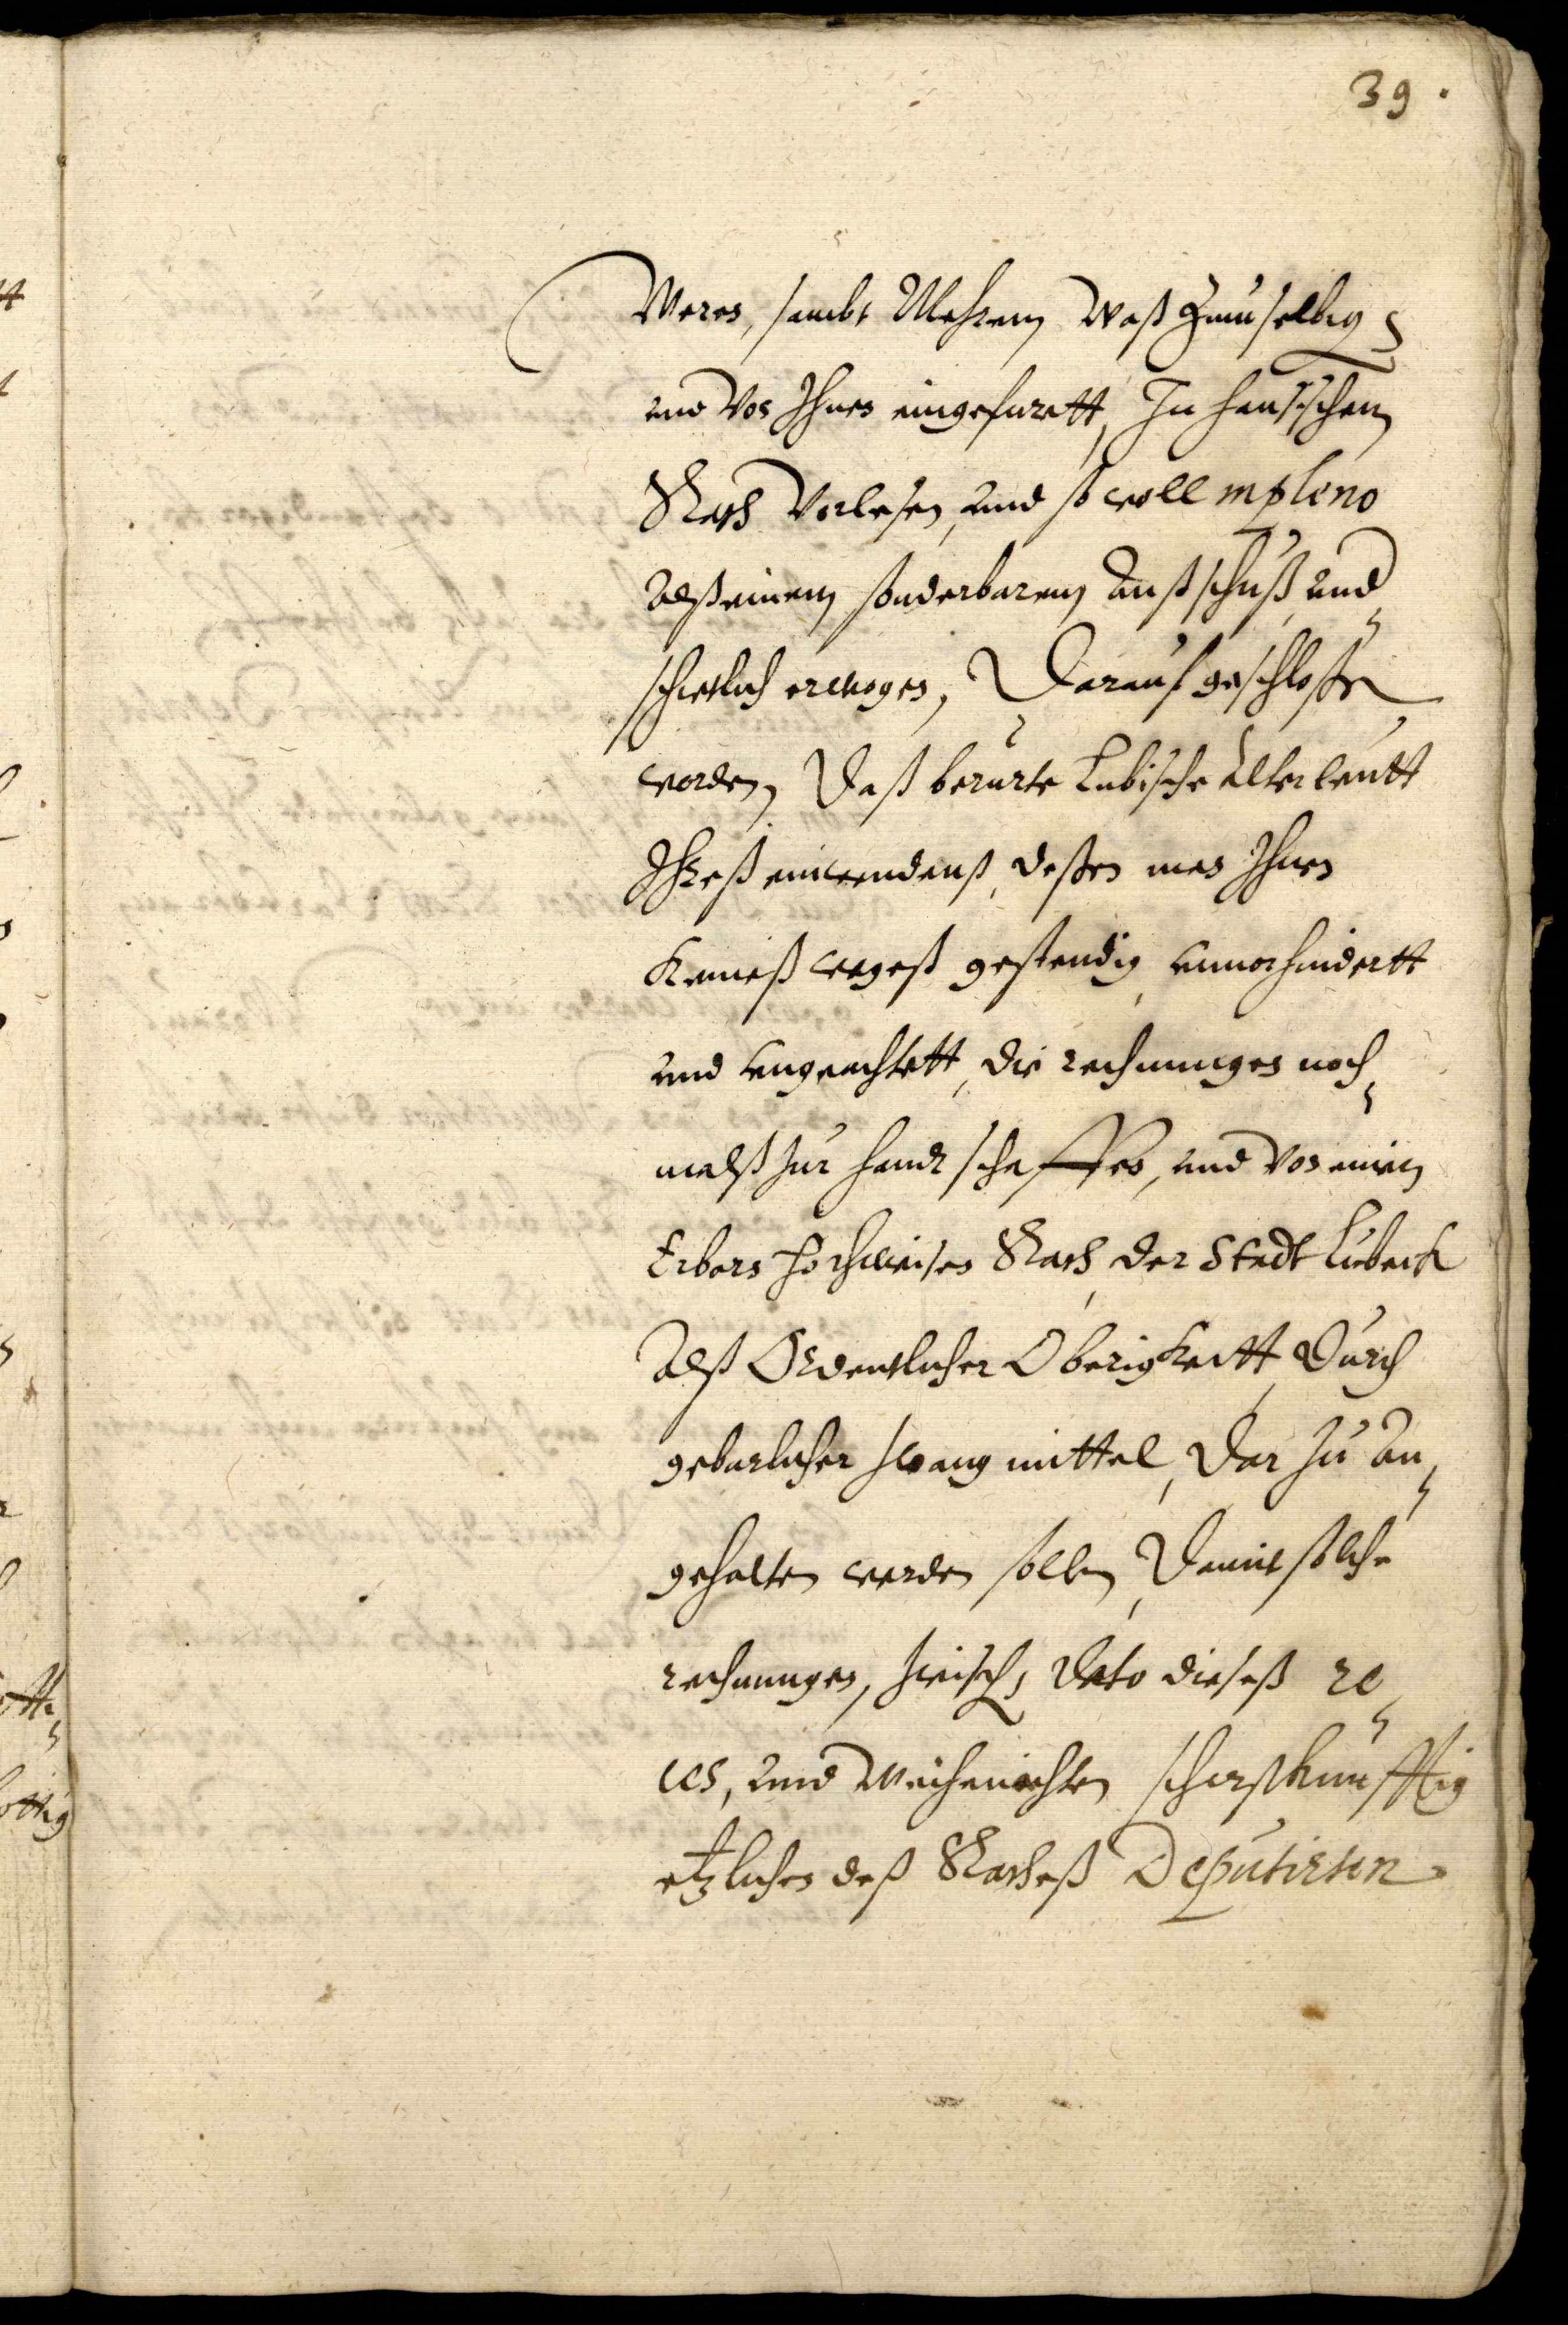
39.
weren, sambt Mehren waß zumselbigen
vnd von Ihnen einfurett, In hansischem
Rath vorlesen,vnd sowoll in pleno
Alßeinem sonderbaren Außschuß vnder
schietlich erwogen, darauf geschloßen
worden, daß berurte Lubische Alterleutt
Ireß einwendenß, diesen man Ihnen
keineßwegeß gestendig, vnuorhindertt
vnd vngeachtett, die rechnungen noch¬
malß zur handt hetten, vnd von einem
Erbarn hochweisen Rath der Stadt Lubeck
Alß Ordentlicher Obrigkeitt durch
geburlicher ???ang mittel. darzu An¬
gehalten werden sollen, damit solche
rechnungen, zwischen dato dieseß re¬
ces, vnd Weihnachten schirstkunfftig
etzlichen deß Ratheß Deputirten
